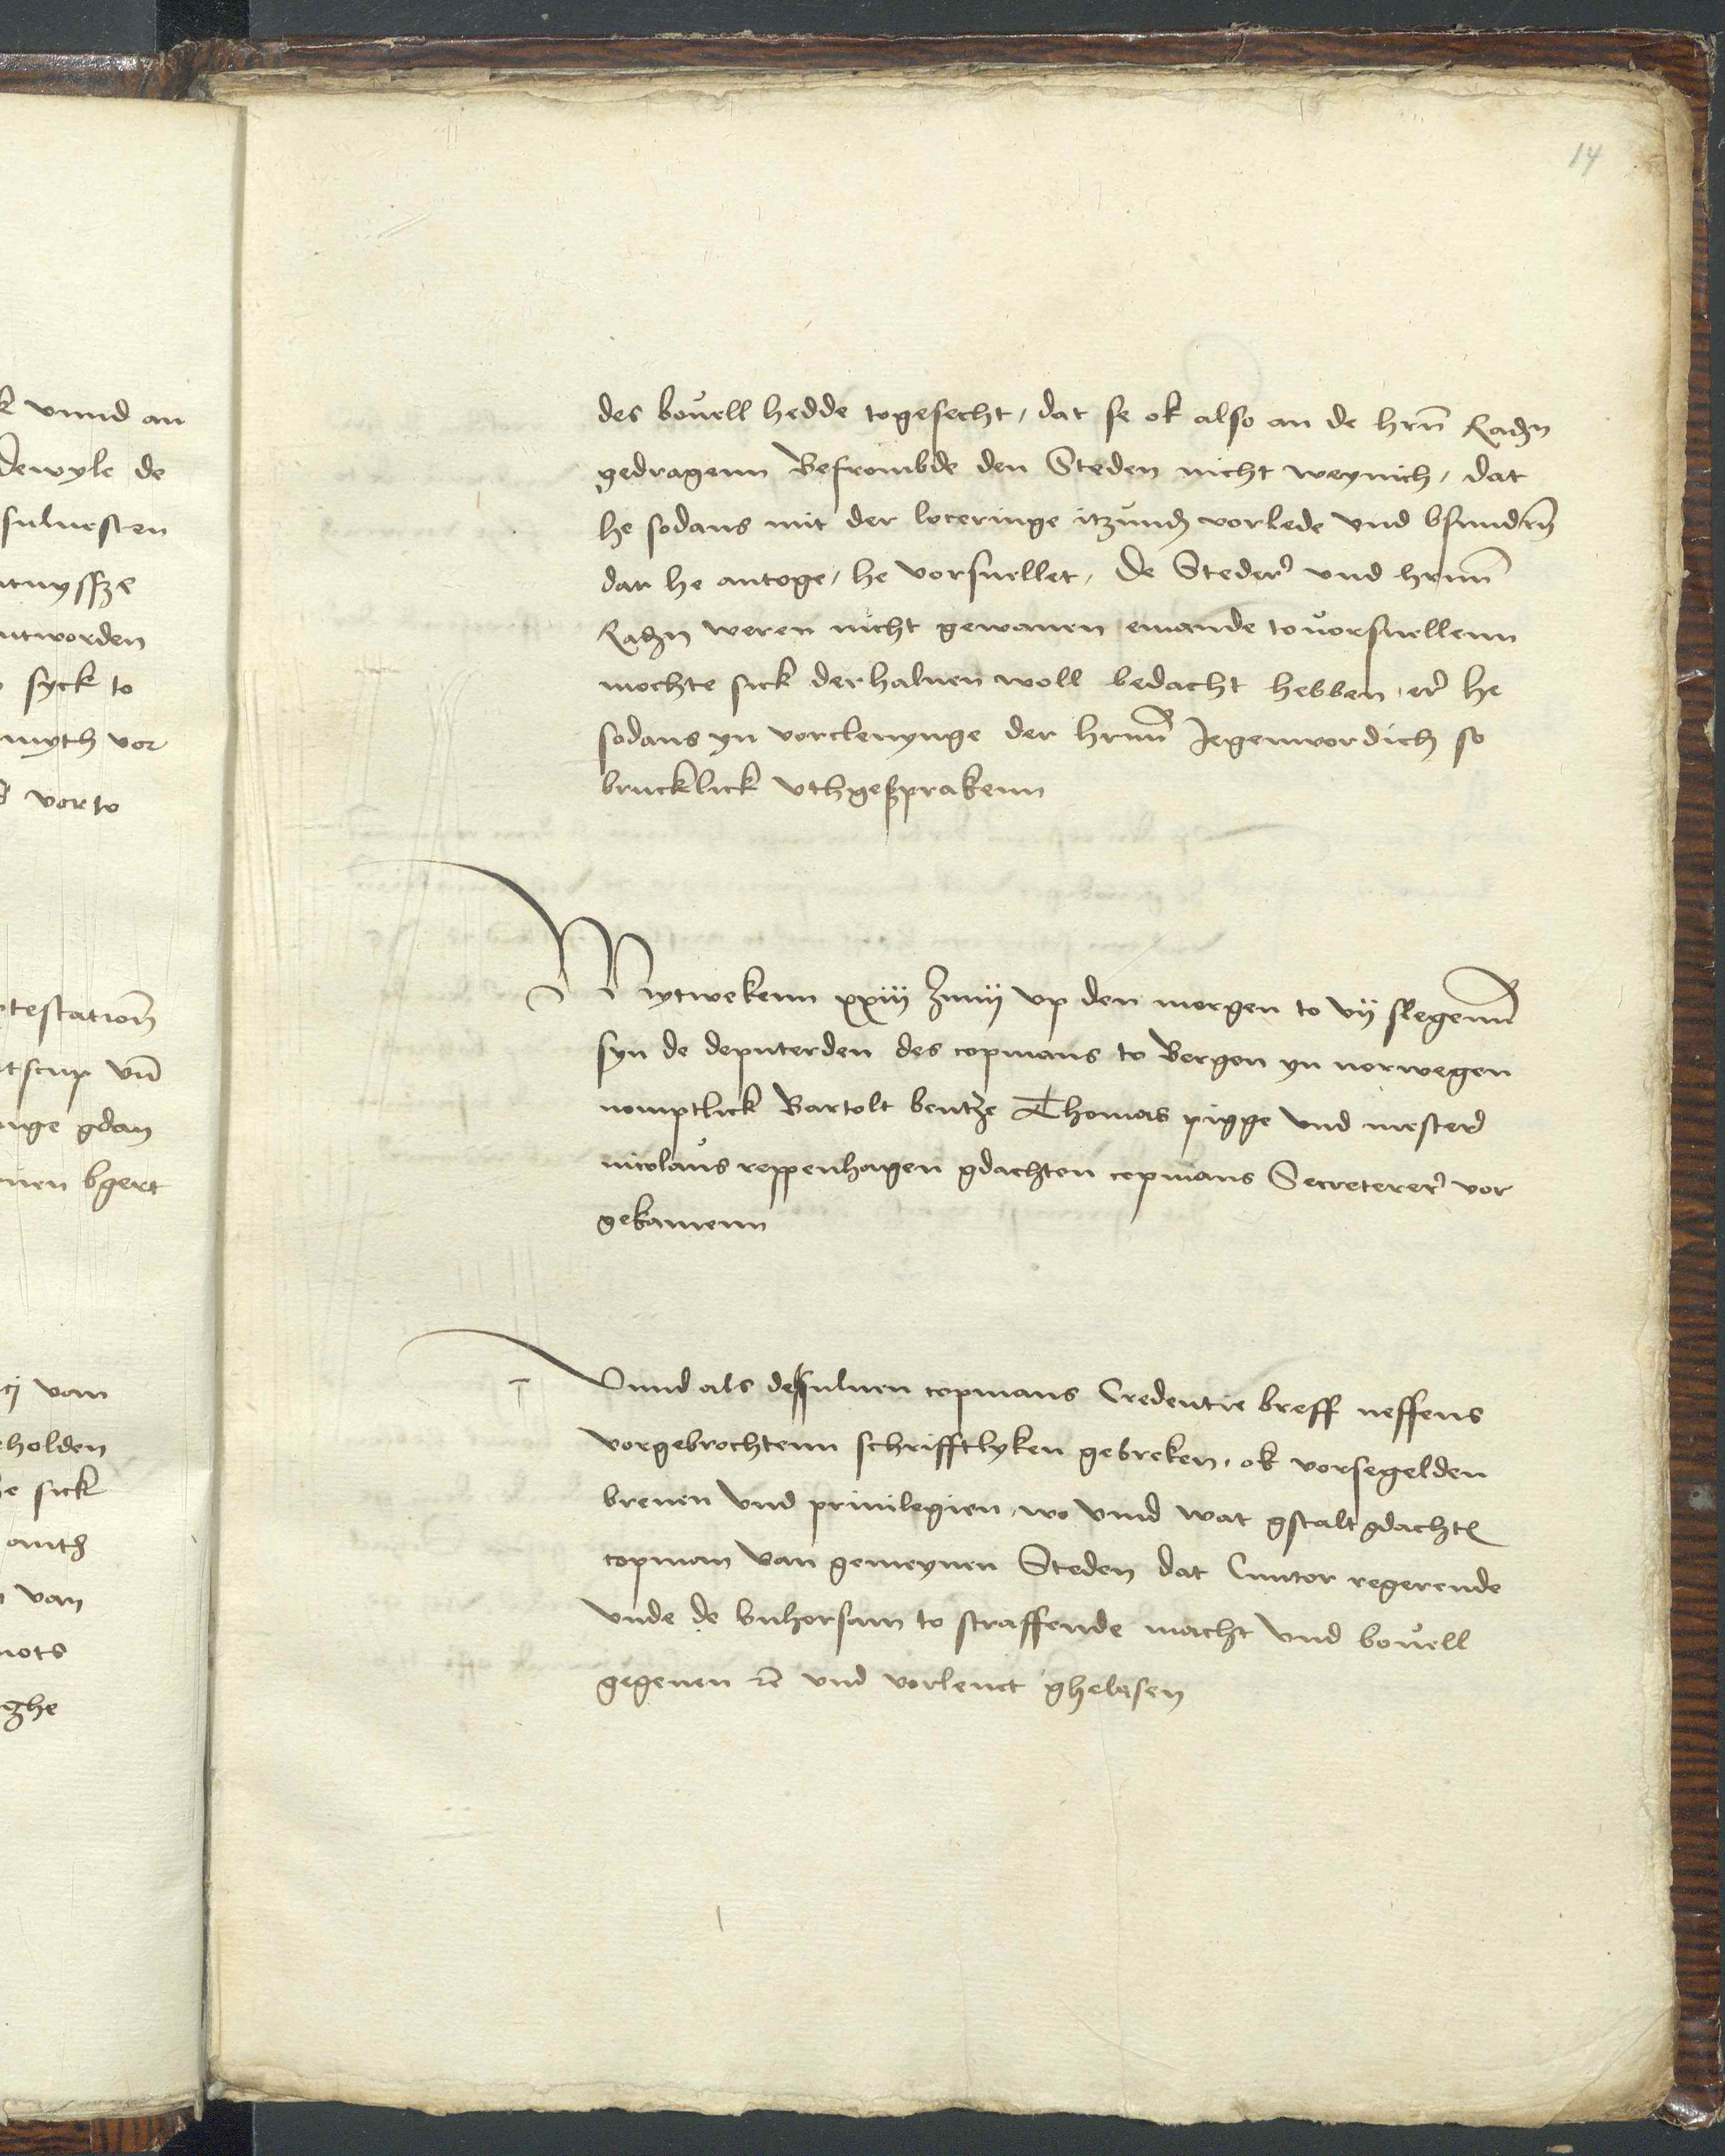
des bouell hedde togesecht, dat se ok also an de hern Radessendebaden
gedragen Befrombde den Steden nicht weynich, dat
he sodans mit der loceringe itzunden vorlede vnd bsundren
dat he antoge, he vorsnellet, de Steder vnd hernn
Radessendebaden weren nicht gewanen emande to uorsnellenn
mochte sick derhaluen woll bedacht hebben er he
sodans yn vorclenynge der hernn Jegenwordich so
brucklick vthgesprakenn
Mytwekenn xxiij Junij vp den morgen to vij slegenn
syn de deputerden des copmans to Bergen yn norwegen
nomptlick Bartolt bentze Thomas pigge vnd mester
nicolaus reppenhagen gdachten copmans Secreterer
gekamenn
Vnnd als desuluen copmans Credentie breff neffens
vorgebrochtenn schrifftlyken gebreken, ok vorsegelden
breven vnd priuilegien wo vnd wat gstalt gdachten
copman van gemeynen Steden dat Cuntor regerende
vnd de vnhorsam to straffende macht vnd bouell
gegeuen etc vnd vorlenet ghelesen
